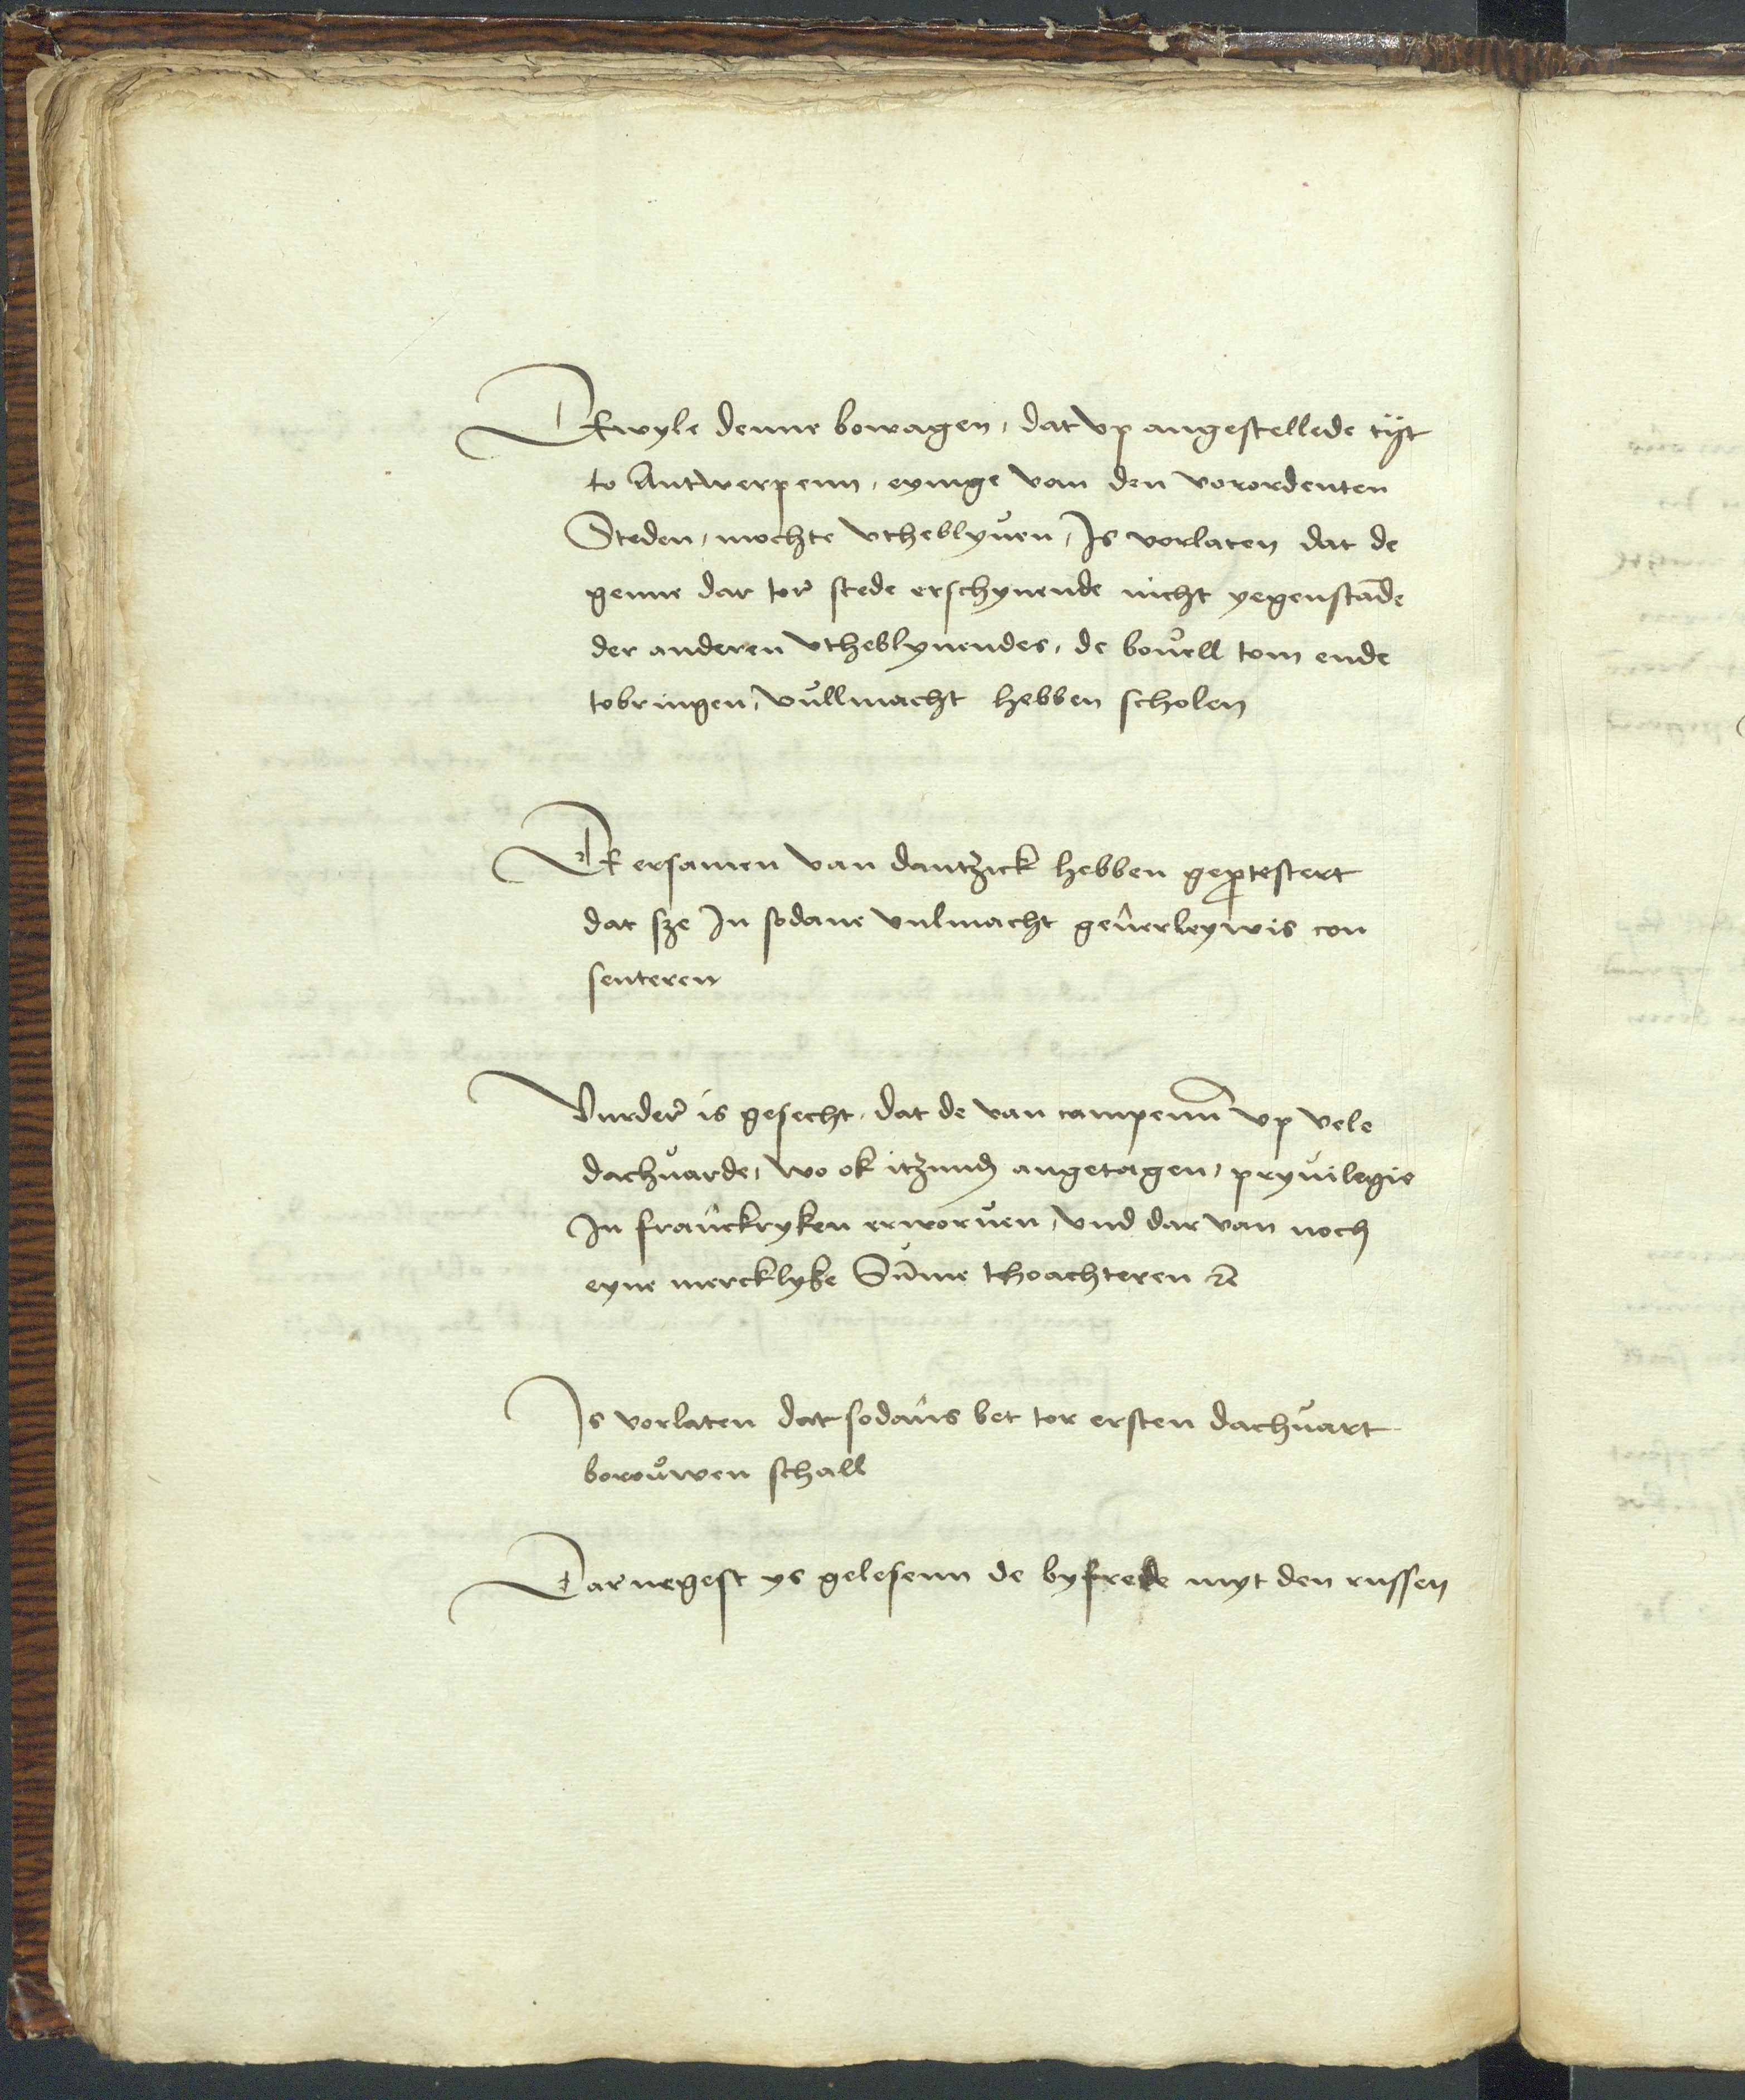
Dewyle denne bowagen, dat vp angestellede tijt
to Antwerpenn, eynige van den vorordenten
Steden, mochte vthebliuen, Js vorlaten dat de
genne dar tor stede erschynende nicht yegenstande
der anderen vtheblyuendes, de bouell tom ende
tobringen, vullmacht hebben scholen
De ersamen van dantzick hebben geprotestert
dat sze Jn sodane vulmacht generleywis con¬
senteren
Vurder is gesecht, dat de van campenn vp vele
dachuarte, wo ok itzundes angetagen, pryuilegie
Jn franckryken erworuen, vnd dar van noch
eyne mercklyke Summe thoachteren etc
Js vorlaten, dat sodans bet tor ersten dachuart
borouwen schall
Darnegest ys gelesenn de byfrede myt den russen
